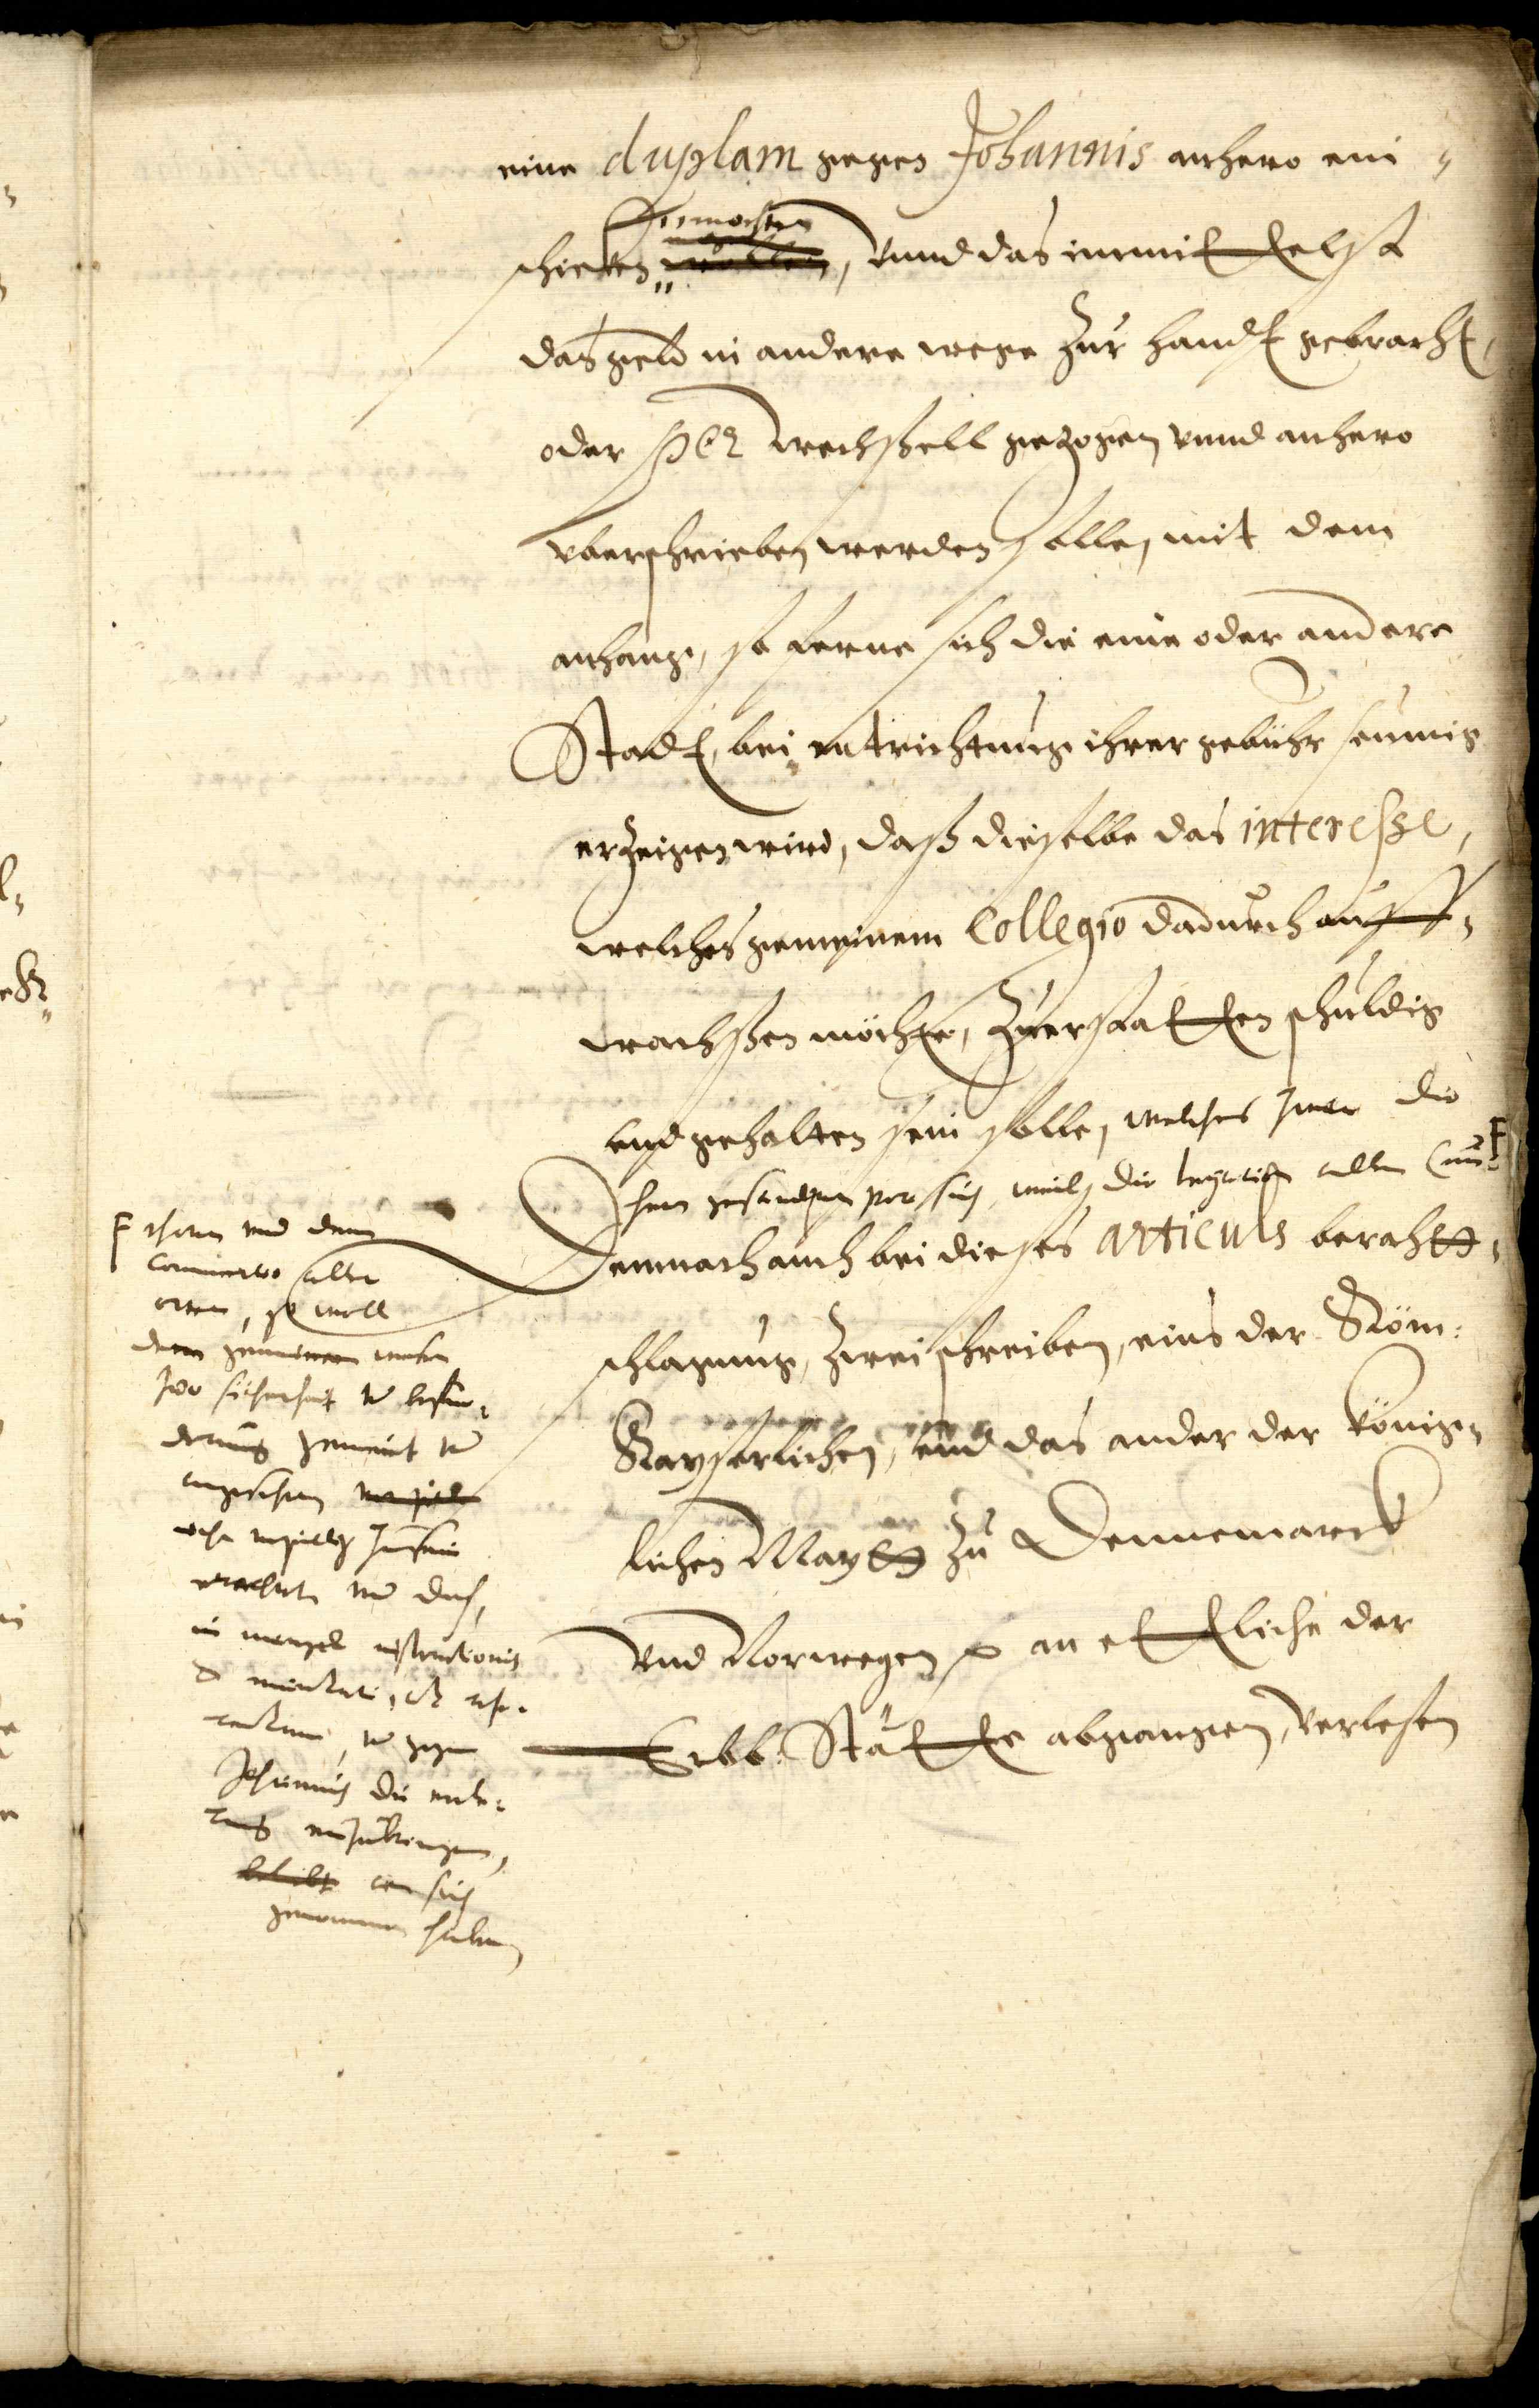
* thorn vnd dem
commercio aller
orten, so woll
dem gemeinen werten
jeder Sicherheit vnd befur¬
derung gemeint vnd
angesehen vnd sich
manche ungültig Zusein
erachtet vnd doch,
in mangel instructionis
& mandati ad refe¬
rendum, vnd gegen
Iohannis die rech¬
nung einzubringen,
beleibt von sich
genommen haben,
eine duplam gegen Iohannis anhero ein¬
*mochten
schicken * wollen, Vnnd das immittelst
das geld in andere wege Zur handt gebracht,
oder per Wechßell gezogen vnnd anhero
vberschrieben werden sollen mitt dem
anhang, so ferner sich die eine oder andere
Stadt, bei entrichtung ihrer gebühr seumig
erZeigen wird, daß dieselbe das interesse
welches gemeinem collegio daurch auff¬
wachßen möchte, Zuerstatten schuldig
vnd gehalten sein solle, welches zwar die
hern gesandten pro sich, weil die Engelischen allen Cun*
Demnach auch bei dieses articuls berahtt¬
schlagung zwei schreiben, eins der Röm:
Kayserlichen, vnd das ander der König¬
lichen Maytt Zu Dennemarck
vnd Norwegen p an ettliche der
Erbb: Stätte abgegangen, verlesen
